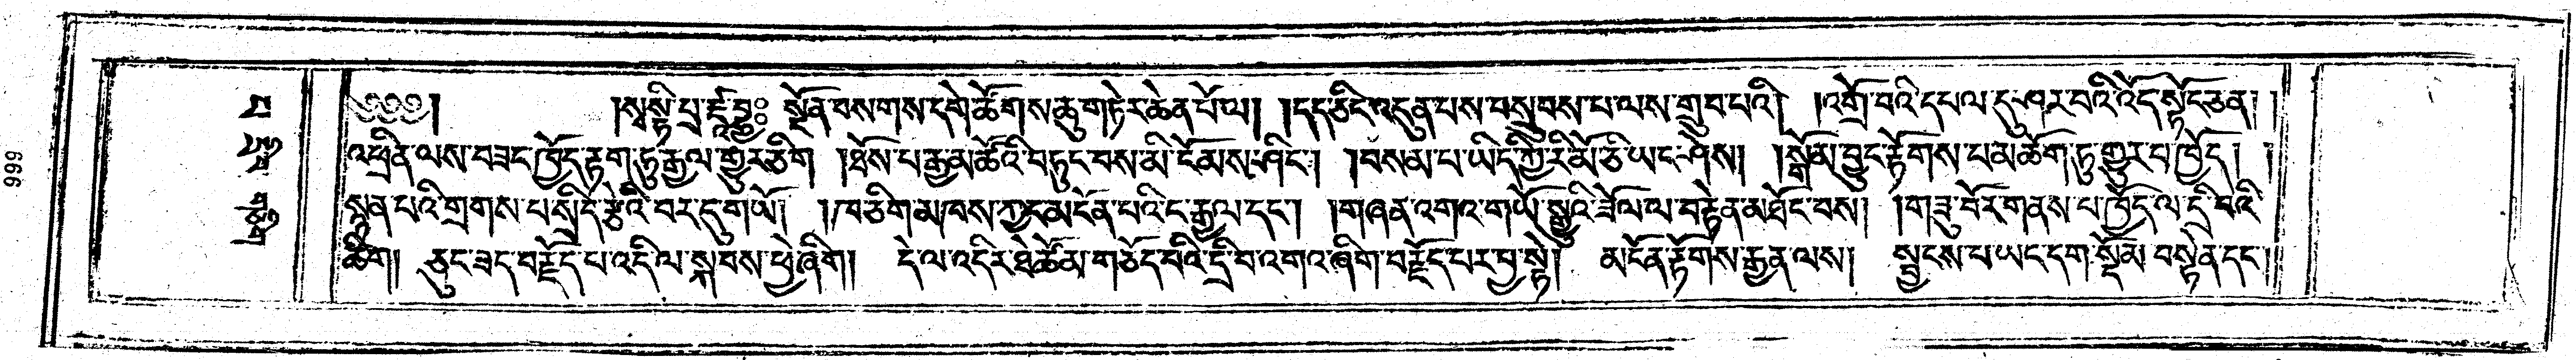༄༅༅། །སྭ་སྟི་པྲ་ཛཱ་བྷྱཿ སྔོན་བསགས་དགེ་ཚོགས་ཆུ་གཏེར་ཆེན་པོ་ལ། །དད་ཅིང་འདུན་པས་བསྲུབས་པ་ལས་གྲུབ་པའི། །འགྲོ་བའི་དཔལ་དུ་ཤར་བའི་འོད་སྟོང་ཅན། །
འཕྲིན་ལས་བཟང་ཁྱོད་རྟག་ཏུ་རྒྱལ་གྱུར་ཅིག །ཐོས་པ་རྒྱ་མཚོའི་བཏུང་བས་མི་ངོམས་ཤིང་། །བསམ་པ་ཡིད་ཀྱི་རི་མོ་ཅི་ཡང་ཤེས། །སྒོམ་བྱུང་རྟོགས་པ་མཆོག་ཏུ་གྱུར་པ་ཁྱོད། །
སྙན་པའི་གྲགས་པ་སྲིད་རྩེའི་བར་དུ་གཡོ། །ཁ་ཅིག་མཁས་ཀྱང་མངོན་པའི་ང་རྒྱལ་དང་། །གཞན་འགའ་གཡོ་སྒྱུའི་ཟོལ་ལ་བརྟེན་མཐོང་བས། །གཟུ་བོར་གནས་པ་ཁྱོད་ལ་དྲི་བའི་
ཚིག། ཅུང་ཟད་བརྗོད་པ་འདི་ལ་སྐབས་ཕྱེ་ཞིག། དེ་ལ་འདིར་ཐེ་ཚོམ་གཅོད་པའི་དྲི་བ་འགའ་ཞིག་བརྗོད་པར་བྱ་སྟེ། མངོན་རྟོགས་རྒྱན་ལས། སྦྱངས་པ་ཡང་དག་སྡོམ་བསྟེན་དང་།